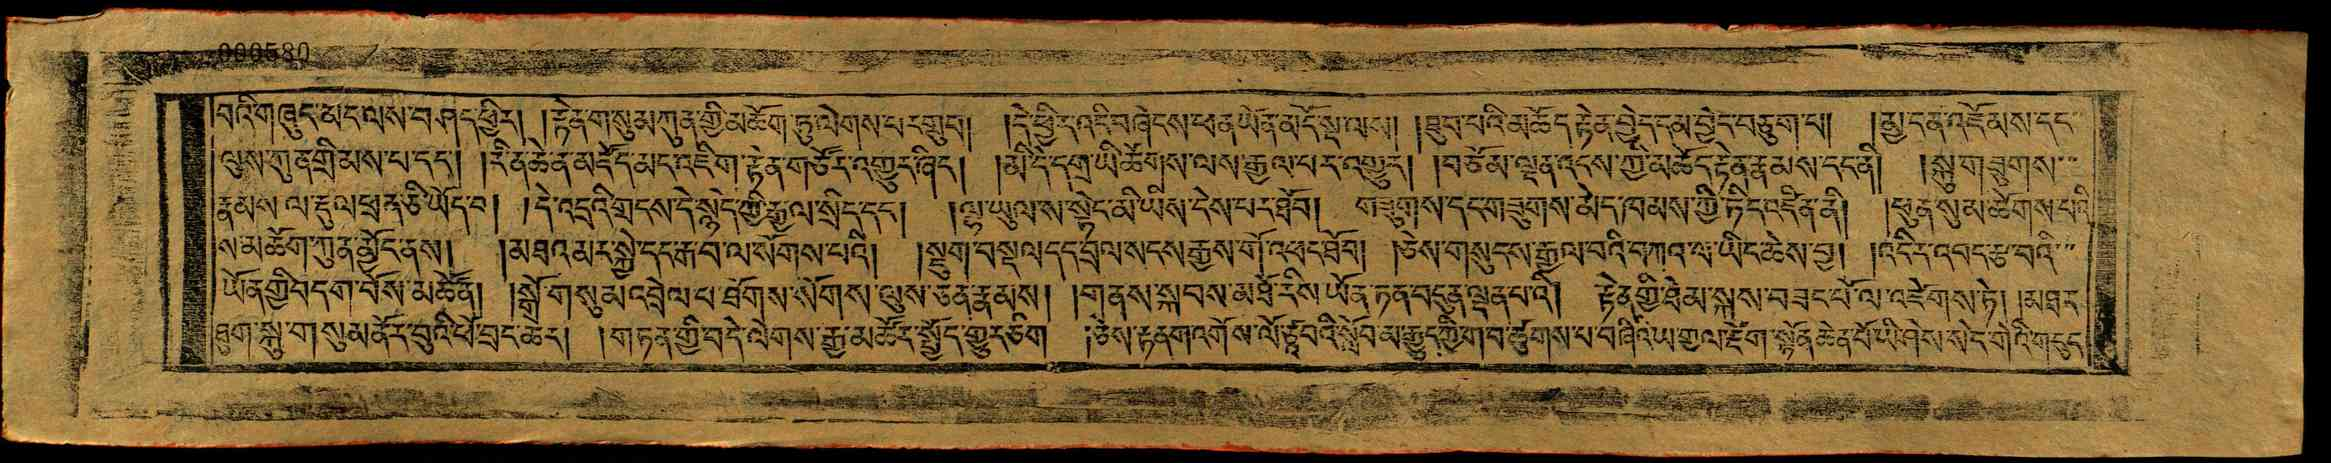པའི་གཞུང་མང་ལས་བཤད་ཕྱིར། །རྟེན་གསུམ་ཀུན་གྱི་མཆོག་ཏུ་ལེགས་པར་གྲུབ། །དེ་ཕྱིར་འདི་བཞེངས་ཕན་ཡོན་མདོ་སྡེ་ལས། །ཐུབ་པའི་མཆོད་རྟེན་བྱེད་དམ་བྱེད་བཅུག་པ། །མྱ་ངན་འཇོམས་དང་
ལུས་ཀུན་གྲིམས་པ་དང་། །རིན་ཆེན་མཛོད་མང་འཇིག་རྟེན་གཙོར་འགྱུར་ཞིང་། །མི་དེ་དགྲ་ཡི་ཚོགས་ལས་རྒྱལ་བར་འགྱུར། །བཅོམ་ལྡན་འདས་ཀྱི་མཆོད་རྟེན་རྣམས་དང་ནི། །སྐུ་གཟུགས་
རྣམས་ལ་རྡུལ་ཕྲན་ཅི་ཡོད་པ། །དེ་འདྲའི་གྲངས་དེ་སྙིང་ཀྱི་རྒྱལ་སྲིད་དང་། །ལྷ་ཡུལ་ས་སྟེང་མི་ཡིས་ངེས་པར་ཐོབ། །གཟུགས་དང་གཟུགས་མེད་ཁམས་ཀྱི་ཏིང་འཛིན་ནི། །ཕུན་སུམ་ཚོགས་པའི་
ས་མཆོག་ཀུན་མྱོང་ནས། །མཐའ་མར་སྐྱེ་དང་རྒ་བ་ལ་སོགས་པའི། །སྡུག་བསྔལ་དང་བྲལ་སངས་རྒྱས་གོ་འཕང་ཐོབ། །ཅེས་གསུངས་རྒྱལ་བའི་བཀའ་ལ་ཡིད་ཆེས་བྱ། །འདིར་འབད་རྩ་བའི་
ཡོན་གྱི་བདག་པོས་མཚོན། །སྒྲོ་གསུམ་འབྲེལ་བ་ཐོགས་སོགས་ལུས་ཅན་རྣམས། །གནས་སྐབས་མཐོ་རིས་ཡོན་ཏན་བདུན་ལྡན་པའི། །རྟེན་གྱི་ཐིམ་སྐས་བཟང་པོ་ལ་འཛེགས་ཏེ། །མཐར་
ཐུག་སྐུ་གསུམ་ནོར་བུའི་ཕོ་བྲང་ཆེར། །གཏན་གྱི་བདེ་ལེགས་རྒྱ་མཚོར་སྤྱོད་གྱུར་ཅིག །ཅེས་རྟ་ནག་འགོས་ལོ་ཙཱ་བའི་སློབ་མ་རྒྱུད་ཀྱི་ཀ་བ་ཚུགས་པ་བཞཱི་ཡ་གྱལ་རྡོག་སྟོན་ཆེན་པོ་ཡེ་ཤེས་སེང་གེའི་གདུན་